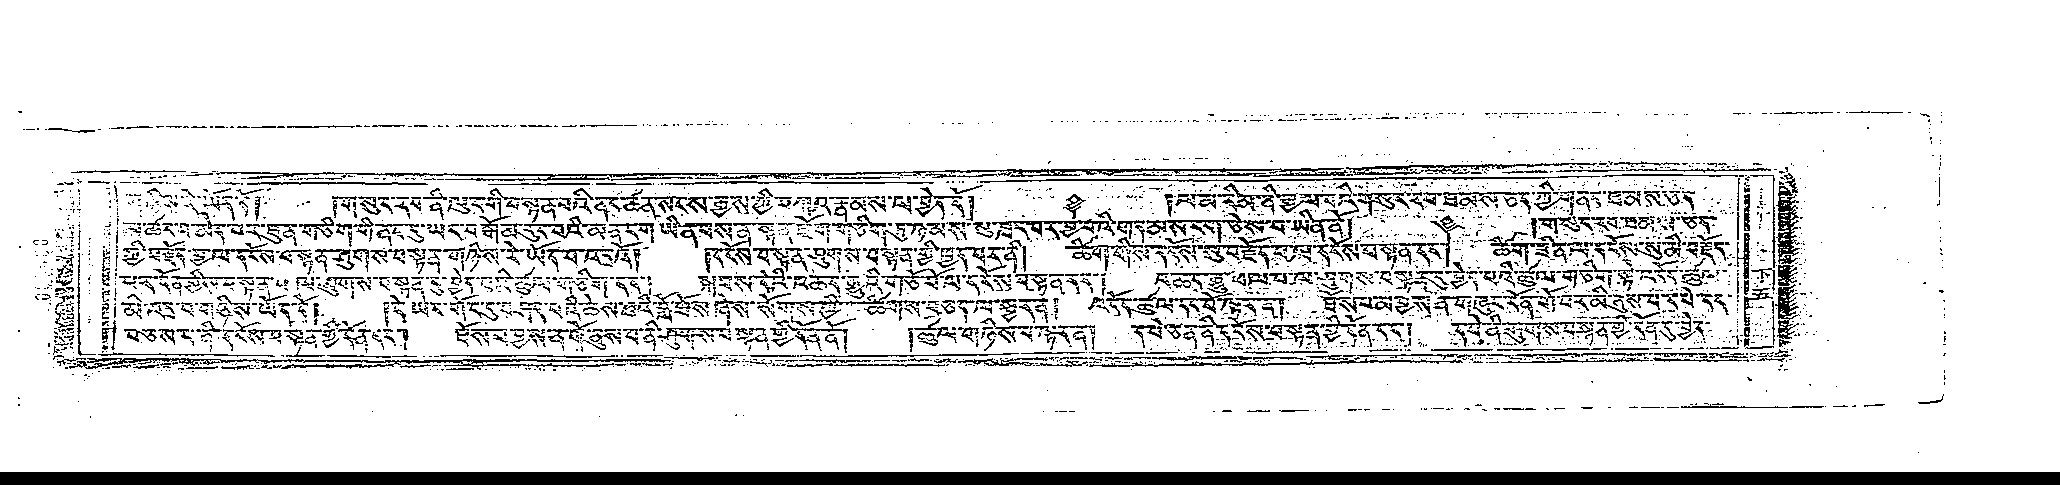གཉིས་རེ་ཡོད་དོ། །གསུང་རབ་ནི་ལུང་གི་བསྟན་པའི་ནང་ཚན་སངས་རྒྱས་ཀྱི་བཀའ་རྣམས་ལ་བྱེད་དོ། ༈ །ལམ་རིམ་ནི་རྒྱལ་བའི་གསུང་རབ་ཐམས་ཅད་ཀྱི་གནང་ཐམས་ཅད་
མ་ཚང་བ་མེད་བར་ཐུན་གཅིག་གི་ནང་དུ་ཡང་བསྒོམ་རུང་བའི་མན་ངག་ཡིན་བས་ན་སྟན་ཐོག་གཅིག་ཏུ་ཉམས་སུ་བླང་བར་བྱ་བའི་གདམས་ངག་ཅེས་པ་ཡིན་ནོ། ༈ །གསུང་རབ་ཐམས་ཅད་
ཀྱི་བརྗོད་བྱ་ལ་དངོས་བསྟན་ཤུགས་བསྟན་གཉིས་རེ་ཡོད་པ་འདྲའོ། །དངོས་བསྟན་ཤུགས་བསྟན་གྱི་ཁྱད་པར་ནི། ཚིག་གིས་དངོས་སུ་བརྗོད་པ་ལ་དངོས་བསྟན་དང་། ཚིག་ཟིན་ལ་དངོས་སུ་མི་བརྗོད་
པར་དོན་གྱིས་བསྟན་པ་ལ་ཤུགས་བསྟན་དུ་བྱེད་པའི་ཚུལ་གཅིག་དང་། སྐབས་དེའི་འཆད་རྒྱུའི་གཙོ་བོ་ལ་དངོས་བསྟན་དང་། འཆད་རྒྱུ་ཕལ་བ་ལ་ཤུགས་བསྟན་དུ་བྱེད་པའི་ཚུལ་གཅིག་སྟེ་འདོད་ཚུལ་
མི་འདྲ་བ་གཉིས་ཡོད་དོ། །དེ་ཡང་གོང་དུ་བཤད་པའི་ཆེས་ཕྲའི་བློ་གྲོས་ཞེས་སོགས་ཀྱི་ཚིགས་བཅད་ལ་སྦྱར་ན། འདོད་ཚུལ་དང་པོ་ལྟར་ན། ཐོས་པ་མ་བྱས་ན་གཞུང་དོན་གོ་བར་མི་ནུས་པ་དཔེ་དང་
བཅས་པ་ནི་དངོས་བསྟན་གྱི་དོན་དང་། ཐོས་པ་བྱས་ན་གོ་ནུས་པ་ནི་ཤུགས་བསྟན་གྱི་དོན་ནོ། །ཚུལ་གཉིས་པ་ལྟར་ན། དཔེ་ཅན་ནི་དངོས་བསྟན་གྱི་དོན་དང་། དཔེ་ནི་ཤུགས་བསྟན་གྱི་དོན་དུ་བྱེད་